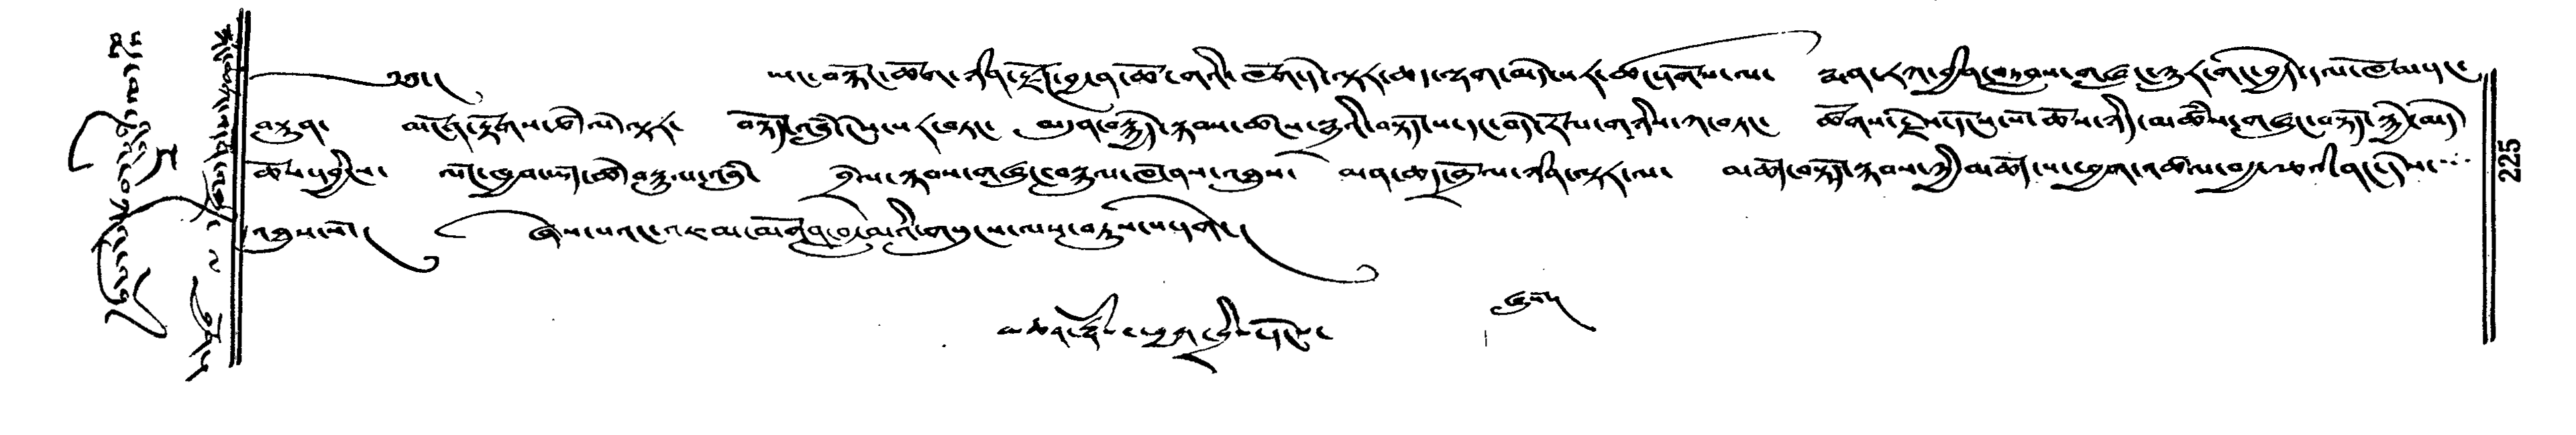ཡང་སྐོང་ཆོག་ཉིན་རྫོགས་བྱ་ན་ཆོ་གའི་ཁོག་དེ་ལྟར་ཆད་ལྷག་མེད་པར་ཚང་དགོས་ལ། སྨན་རཀ་བྱིན་རླབས་གཞུང་ཟུར་གང་བྱེད་དལ་ཁོམ་དང་
བསྟུན། མངོན་རྟོགས་ཙེ་ལེ་ལྟར། བསྟོད་འབུམ་ངེས་པར་གཏང་། མདུན་སྐྱེད་སྐབས་ཚངས་སྒྲའི་བསྟོད་པ་དང་བདེ་རོལ་གཉིས་ཀ་གཏང་། ཚོགས་རྗེས་དངོས་པོ་ཆོས་ཉིད་མཚམས་གཞུང་བསྟོད་སྐྱེ་མེད་
ཆོས་དབྱིངས། ལོང་ཁྱབ་ཡོད་ཚེ་སྐུལ་འབུམ། བྲེལ་སྐབས་གཞུང་སྐུལ་ཁོ་ནས་འཐུས། དེ་མན་ཆད་གྲོལ་ཉིན་ལྟར་ལ། མཆོད་བསྟོད་སྐབས་ཀྱི་མཆོད་པ་ཕྱག་འཚལ་བརྒྱ་རྩའི་ནང་དེས་
འཐུས་སོ།། ཞེས་པའང་འཇམ་མགོན་བླ་མའི་གསུང་ལས་བཏུས་པ་དགེའོ།།